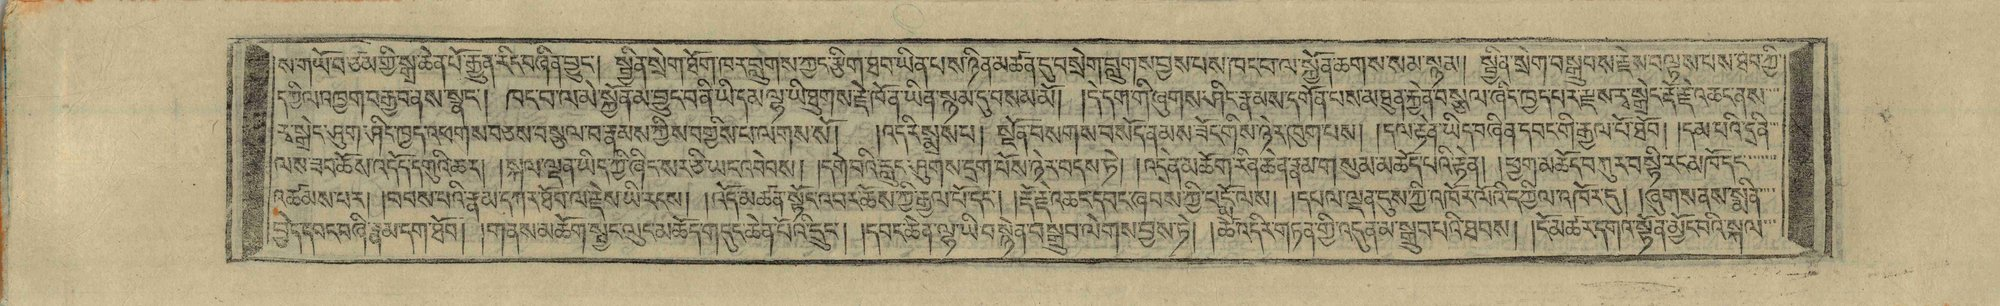ས་གཡོ་བ་ཙམ་གྱི་སྒྲ་ཆེན་པོ་རྒྱུན་རིང་བཞིན་བྱུང་། སྦྱིན་སྲེག་ཐོག་ཁར་བླུགས་ཀྱང་རྩིག་ཐབ་ཡིན་པས་ཉིན་མཚན་དུ་བསྲེག་བླུགས་བྱས་པས་ཁང་བ་ལ་སྐྱོན་ཆགས་སམ་སྙམ། སྦྱིན་སྲེག་བསྒྲུབས་རྗེས་བལྟས་པས་ཐབ་ཀྱི་
དཀྱིལ་འཁྱག་བརྒྱབ་ནས་སྣང་། ཁང་པ་ལ་མེ་སྐྱོན་མ་བྱུང་བ་ནི་ཡི་དམ་ལྷ་ཡི་ཐུགས་རྗེ་ཁོ་ན་ཡིན་སྙམ་དུ་བསམ་མོ། །དེ་དག་གི་ཞུགས་ཤིང་རྣམས་དགོན་པས་མཐུན་རྐྱེན་བསྩལ་ཞིང་ཁྱད་པར་རྫས་རྭ་སྒྲེང་རྡོ་རྗེ་འཆང་ནས་
རྭ་སྒྲེང་ཤུག་ཤིང་ཁྱད་འཕགས་བཅས་བསྩལ་བ་རྣམས་ཀྱིས་བགྱིས་པ་ལགས་སོ། །འདིར་སྨྲས་པ། སྔོན་བསགས་བསོད་ནམས་ཟོང་གིས་ཉེར་ཁུག་པས། །དལ་རྟེན་ཡིད་བཞིན་དབང་གི་རྒྱལ་པོ་ཐོབ། །དམ་པའི་དྲིན་
ལས་ཟབ་ཆོས་འདོད་དགུའི་ཆར། །སྐལ་ལྡན་ཡིད་ཀྱི་ཞིང་སར་ཅི་ཡང་འབེབས། །དགེ་བའི་རླུང་ཤུགས་དྲག་པོས་ཉེར་བདས་ཏེ། །འདྲེན་མཆོག་རིན་ཆེན་རྣམ་གསུམ་མཆོད་པའི་རྟེན། །ཕྱག་མཆོད་བཀུར་བསྟི་རང་མཁོ་དང་
འཚམས་པར། །བབས་པའི་རྣམ་དཀར་ཐོབ་ལ་རྗེས་ཡི་རངས། །འོད་མཚན་སྟོང་འབར་ཆོས་ཀྱི་རྒྱལ་པོ་དང་། །རྡོ་རྗེ་འཆང་དབང་ཞབས་ཀྱི་པདམོ་ལས། །དཔལ་ལྡན་དུས་ཀྱི་འཁོར་ལོའི་དཀྱིལ་འཁོར་དུ། །ཞུགས་ནས་སྨིན་
བྱེད་དབང་བཞི་རྣམ་དག་ཐོབ། །གནས་མཆོག་སྤྱང་ལུང་མཆོད་གདུང་ཆེན་པོའི་དྲུང་། །དབང་ཆེན་ལྷ་ཡི་བསྙེན་བསྒྲུབ་ལེགས་བྱས་ཏེ། །ཚེ་འདིར་གཏན་གྱི་འདུན་མ་སྒྲུབ་པའི་ཐབས། །ངོ་མཚར་དགའ་སྟོན་མྱོང་བའི་སྐལ་